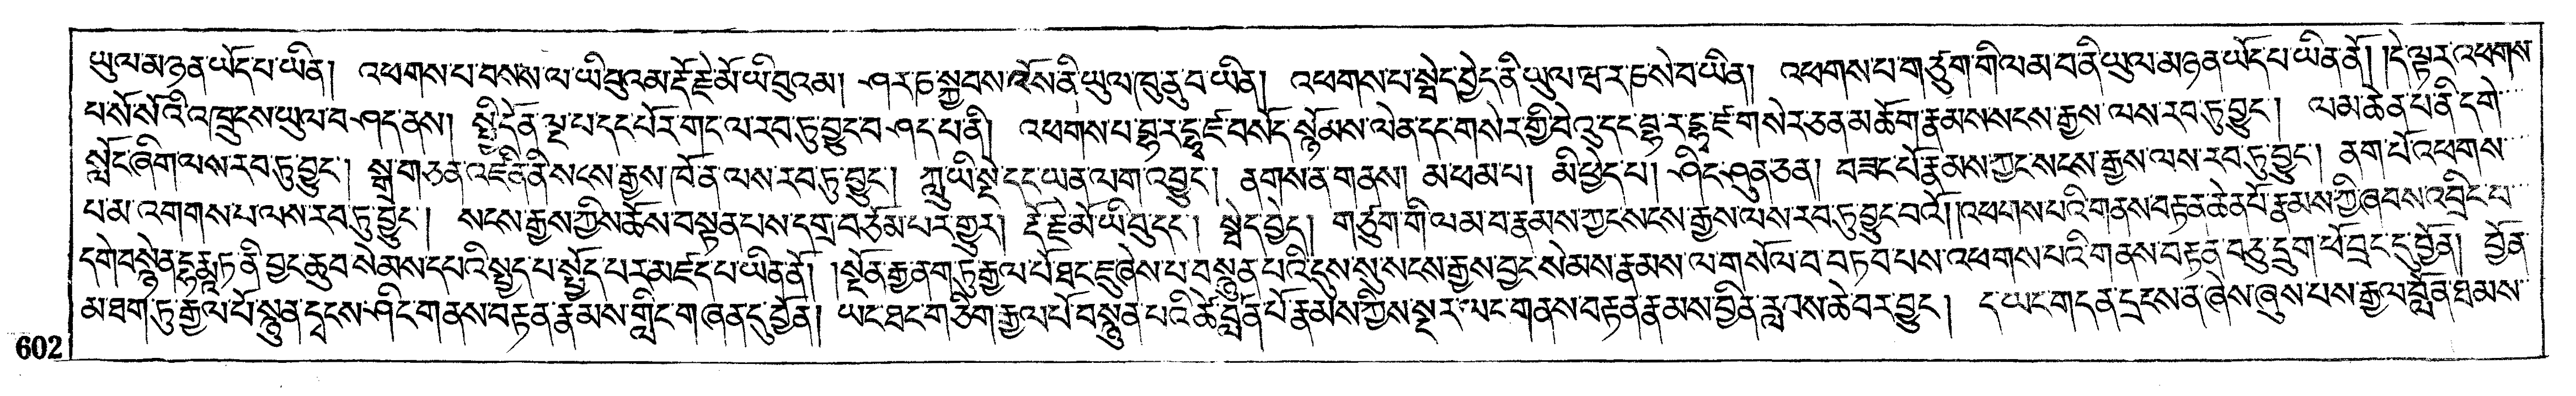ཡུལ་མཉན་ཡོད་པ་ཡིན། འཕགས་པ་བསས་ལ་ཡི་བུའམ་རྡོ་རྗེ་མོ་ཡི་བུའམ། ཤ་ར་ཎ་སྐྱབས་འོས་ནི་ཡུལ་ཁུ་ནུ་བ་ཡིན། འཕགས་པ་སྦེང་བྱེད་ནི་ཡུལ་ཝ་ར་ཎ་སེ་བ་ཡིན། འཕགས་པ་གཙུག་གི་ལམ་བ་ནི་ཡུལ་མཉན་ཡོད་པ་ཡིན་ནོ། །དེ་ལྟར་འཕགས་
པ་སོ་སོའི་འཁྲུངས་ཡུལ་བཤད་ནས། སྤྱི་དོན་ལྔ་པ་དང་པོར་གང་ལ་རབ་ཏུ་བྱུང་བཤད་པ་ནི། འཕགས་བ་བྷ་ར་དྷྭ་ཛ་བསོད་སྙོམས་ལེན་དང་གསེར་གྱི་བེའུ་དང་བྷ་ར་དྷྭ་ཛ་གསེར་ཅན་མཆོག་རྣམས་སངས་རྒྱས་ལས་རབ་ཏུ་བྱུང་། ལམ་ཆེན་པ་ནི་དགེ་
སློང་ཞིག་ལས་རབ་ཏུ་བྱུང་། སྒྲ་གཅན་འཛིན་ནི་སངས་རྒྱས་ཁོ་ན་ལས་རབ་ཏུ་བྱུང་། ཀླུ་ཡི་སྡེ་དང་ཡན་ལག་འབྱུང་། ནགས་ན་གནས། མ་ཕམ་པ། མི་ཕྱེད་པ། ཤིང་ཤུན་ཅན། བཟང་པོ་རྣམས་ཀྱང་སངས་རྒྱས་ལས་རབ་ཏུ་བྱུང་། ནག་པོ་འཕགས་
པ་མ་འགགས་པ་ལས་རབ་ཏུ་བྱུང་། སངས་རྒྱས་ཀྱིས་ཆོས་བསྟན་པས་དགྲ་བཅོམ་པར་གྱུར། རྡོ་རྗེ་མོ་ཡི་བུ་དང་། སྦེད་བྱེད། གཙུག་གི་ལམ་པ་རྣམས་ཀྱང་སངས་རྒྱས་ལས་རབ་ཏུ་བྱུང་བའོ། །འཕགས་པའི་གནས་བརྟན་ཆེན་པོ་རྣམས་ཀྱི་ཞབས་འབྲིང་པ་
དགེ་བསྙེན་དྷ་རྨཱ་ཏ་ནི་བྱང་ཆུབ་སེམས་དཔའི་སྤྱད་པ་སྤྱོད་པར་མཛད་པ་ཡིན་ནོ། །སྔོན་རྒྱ་ནག་ཏུ་རྒྱལ་པོ་ཐང་ཇུ་ཞེས་པ་བསྙུན་པའི་དུས་སུ་སངས་རྒྱས་བྱང་སེམས་རྣམས་ལ་གསོལ་བ་བཏབ་པས་འཕགས་པའི་གནས་བརྟན་བཅུ་དྲུག་ཕོ་བྲང་དུ་བྱོན། བྱོན་
མ་ཐག་ཏུ་རྒྱལ་པོ་སྙུན་དྭངས་ཤིང་གནས་བརྟན་རྣམས་གླིང་གཞན་དུ་བྱོན། ཡང་ཐང་གཅིག་རྒྱལ་པོ་བསྙུན་པའི་ཚེ་བློན་པོ་རྣམས་ཀྱིས་སྔར་ཡང་གནས་བརྟན་རྣམས་བྱིན་རླབས་ཆེ་བར་བྱུང་། ད་ཡང་གདན་དྲངས་ན་ཞེས་ཞུས་པས་རྒྱལ་བློན་ཐམས་